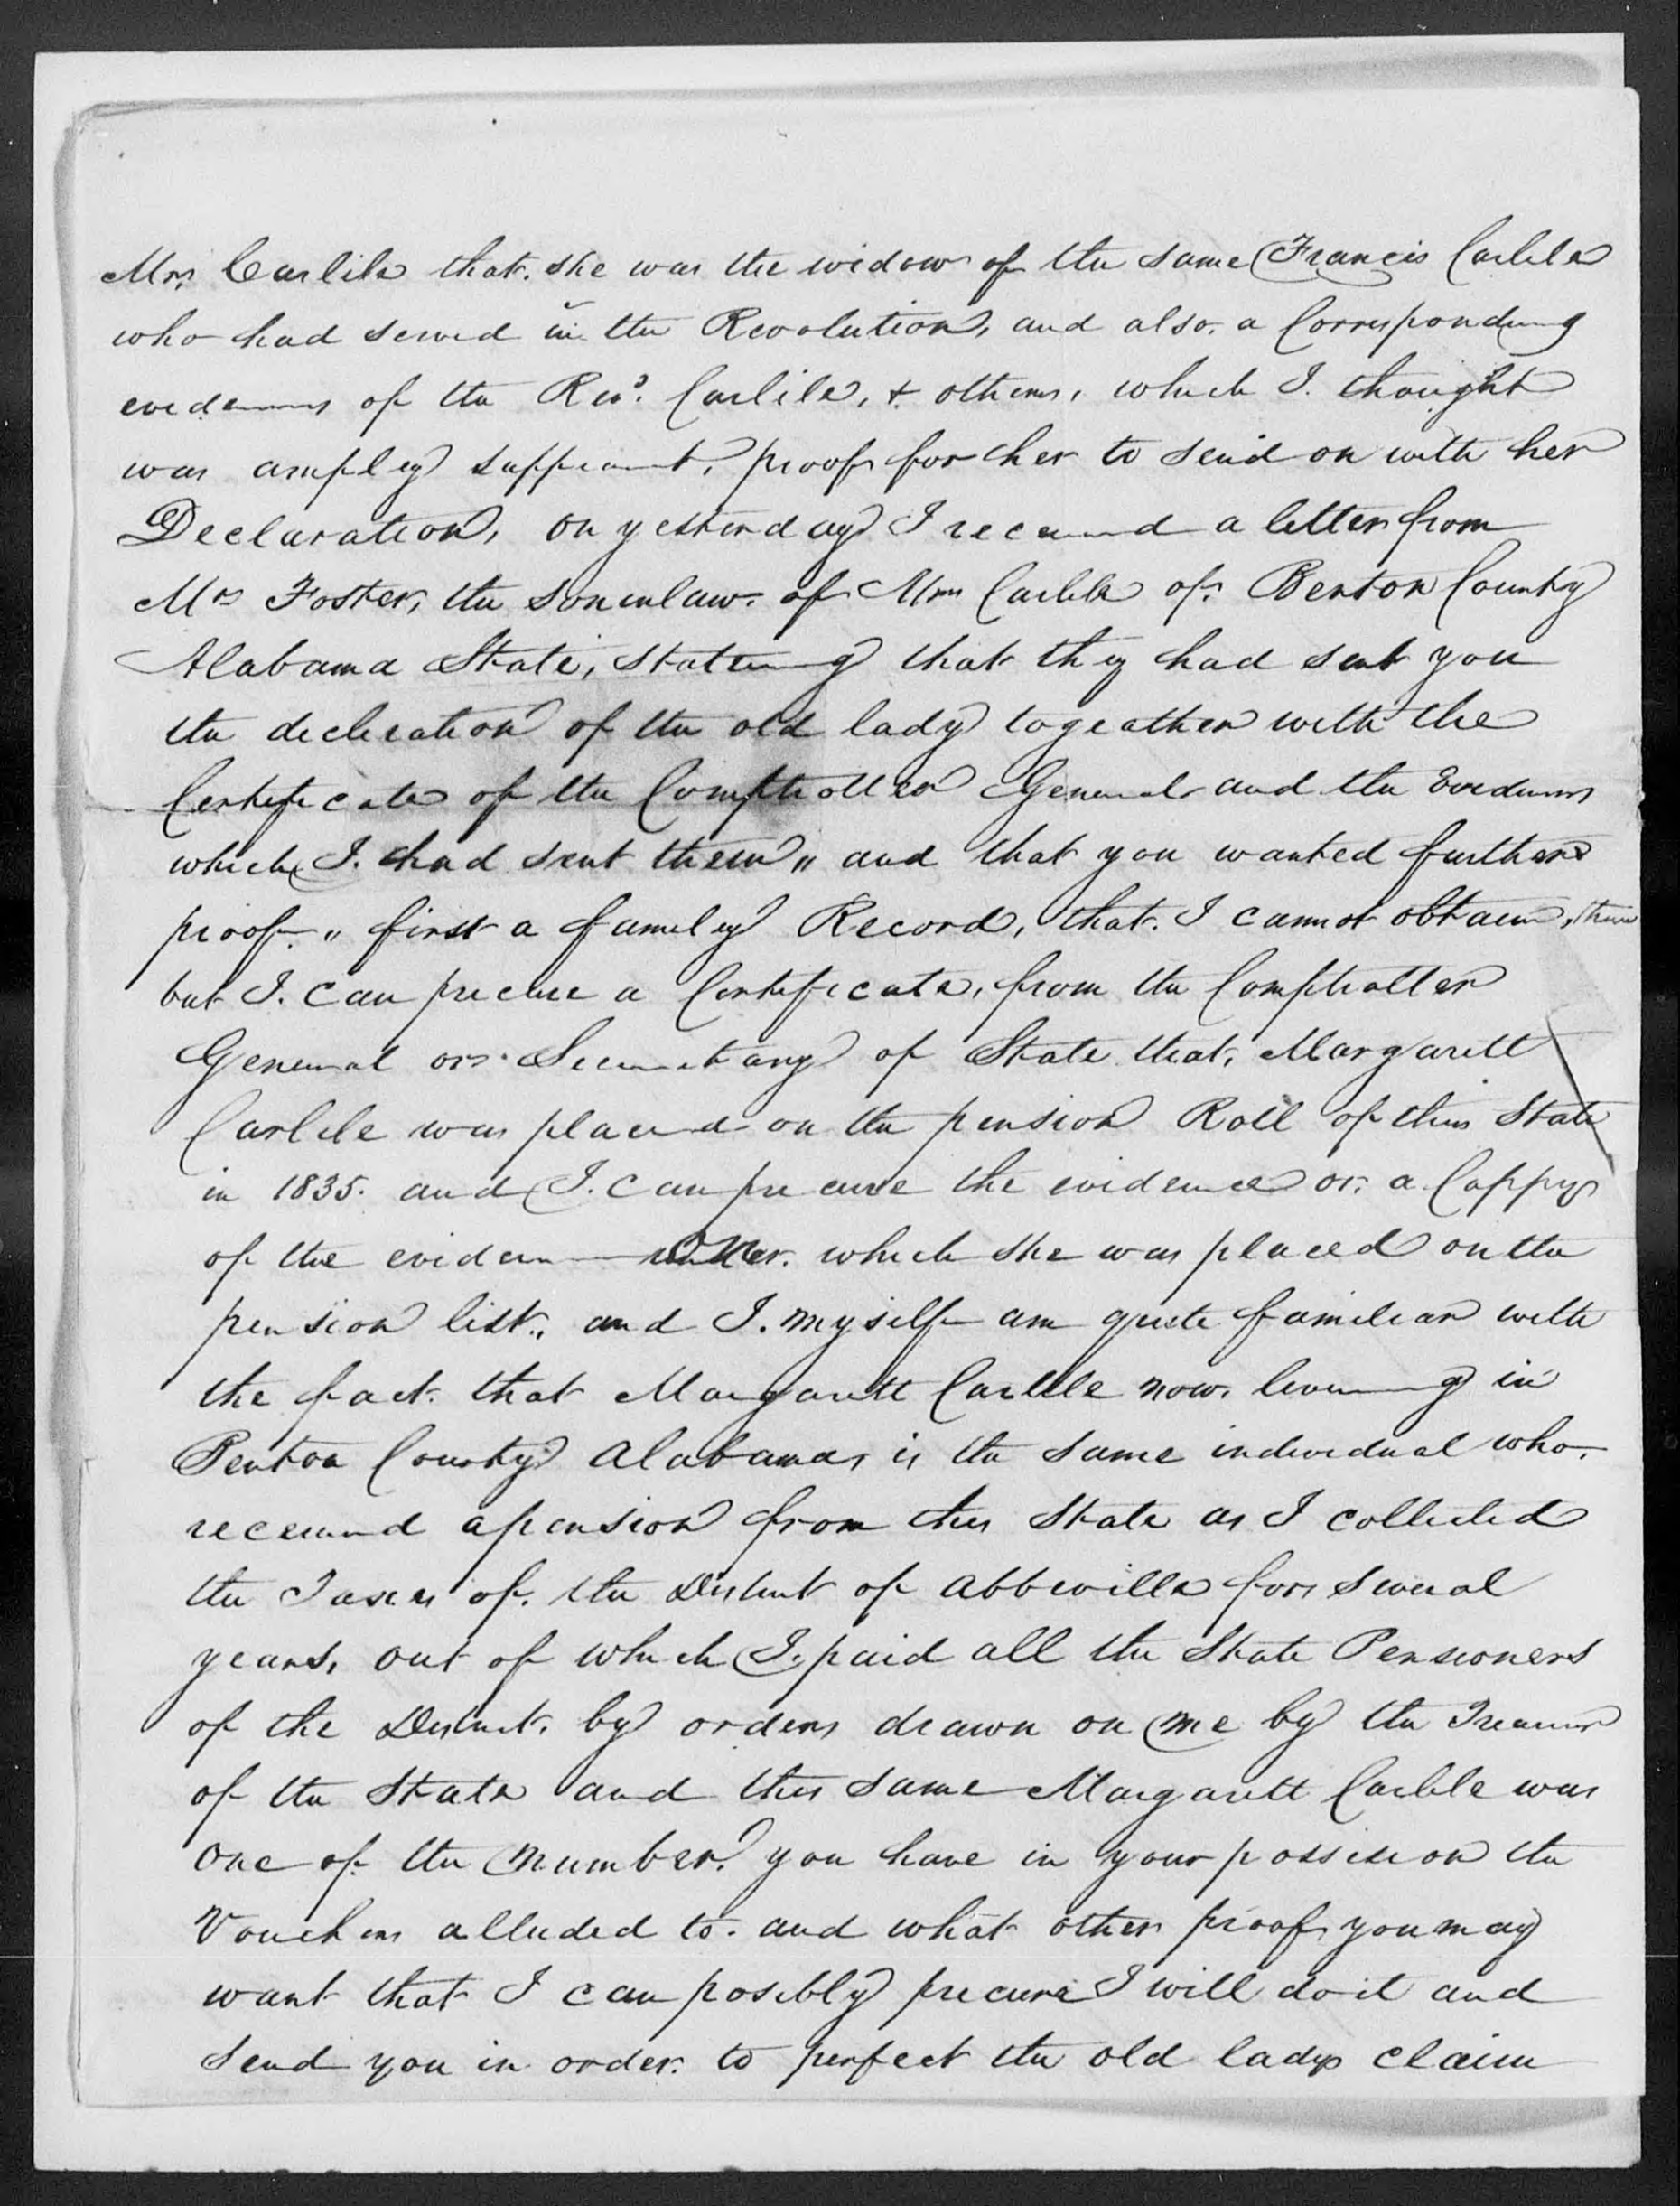Mr Carlisle that she was the widow of the same Francis Carlisle who had served in the Revolution, and also, a Corresponding evidence of the Revd Carlisle & others, which I thought was amply sufficient proof for her to send on with her Declaration, on yesterday I received a letter from Mr. Foster, the son in law of Mrs Carlisle of Benton County Alabama State, stating that they had sent you the declaration of the old lady together with the Certificate of the Comptroller General and the Evidence which I had sent them, and that you wanted further proof, first a family Record, that I cannot obtain there but I can procure a Certificate from the Comptroller General or Secretary of State that Margaret Carlisle was placed on the pension Roll of this State in 1835 and I can procure the evidence or a Copy of the evidence which she was placed on the pension list, and I myself am quite familiar with the fact that Margaret Carlisle now living in Benton County Alabama, is the same individual who received a pension from this State as I collected the Taxes of the District of Abbeville for several years, out of which I paid all the State Pensioners of the District, by orders drawn on me by the Treasurer of the State and this same Margaret Carlisle was one of the number you have in your possession the Vouchers alluded to, and what other proof you may want that I can possibly precure I will do it and send you in order to perfect the old lady's claim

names: Carlile, Carlile, Carlile, Francis Carlile, Margarett Carlile, Foster, Margarett Carlile, Margarett Carlile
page: 88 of 91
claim: widow's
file: W. 10576, Francis Carlisle, S.C.